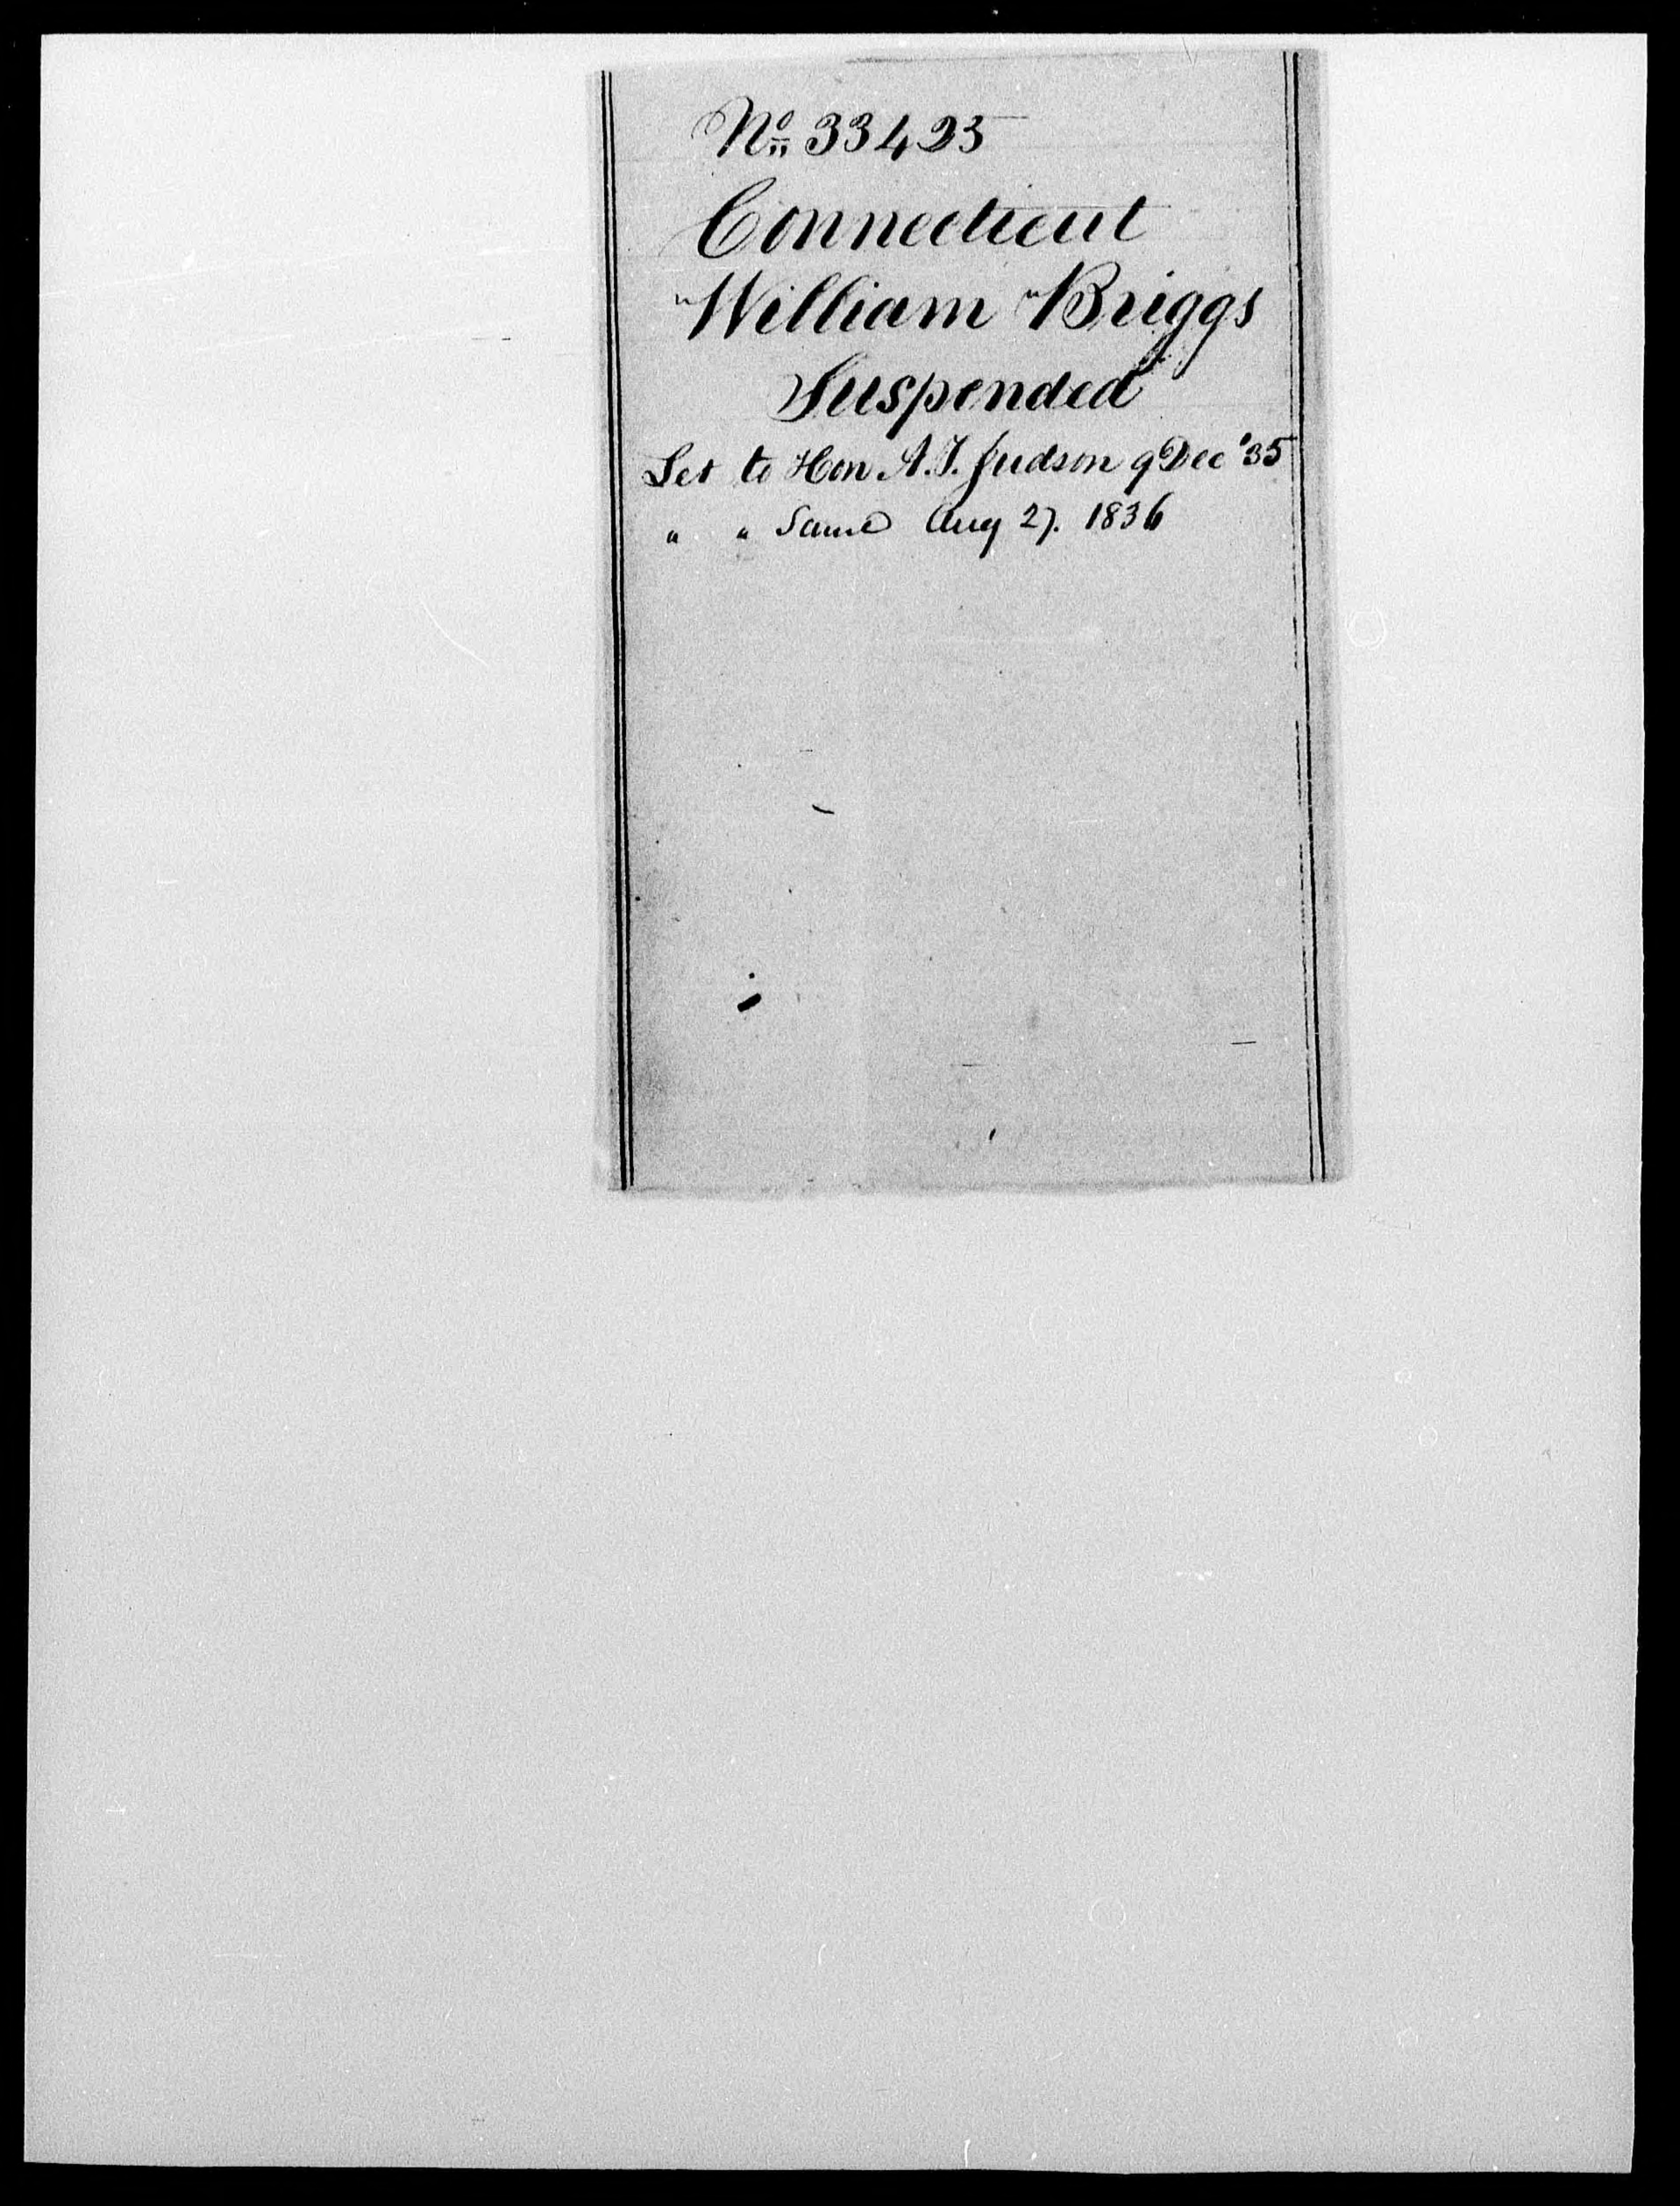No 33425 

Connecticut 
William Briggs 
Suspended 

Let to Hon A.T. Judson 9 Dec '35 
" " Same Aug 27 1836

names: William Briggs, A T Judson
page: 16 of 37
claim: survivor's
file: S. 12,281, William Briggs, Conn.